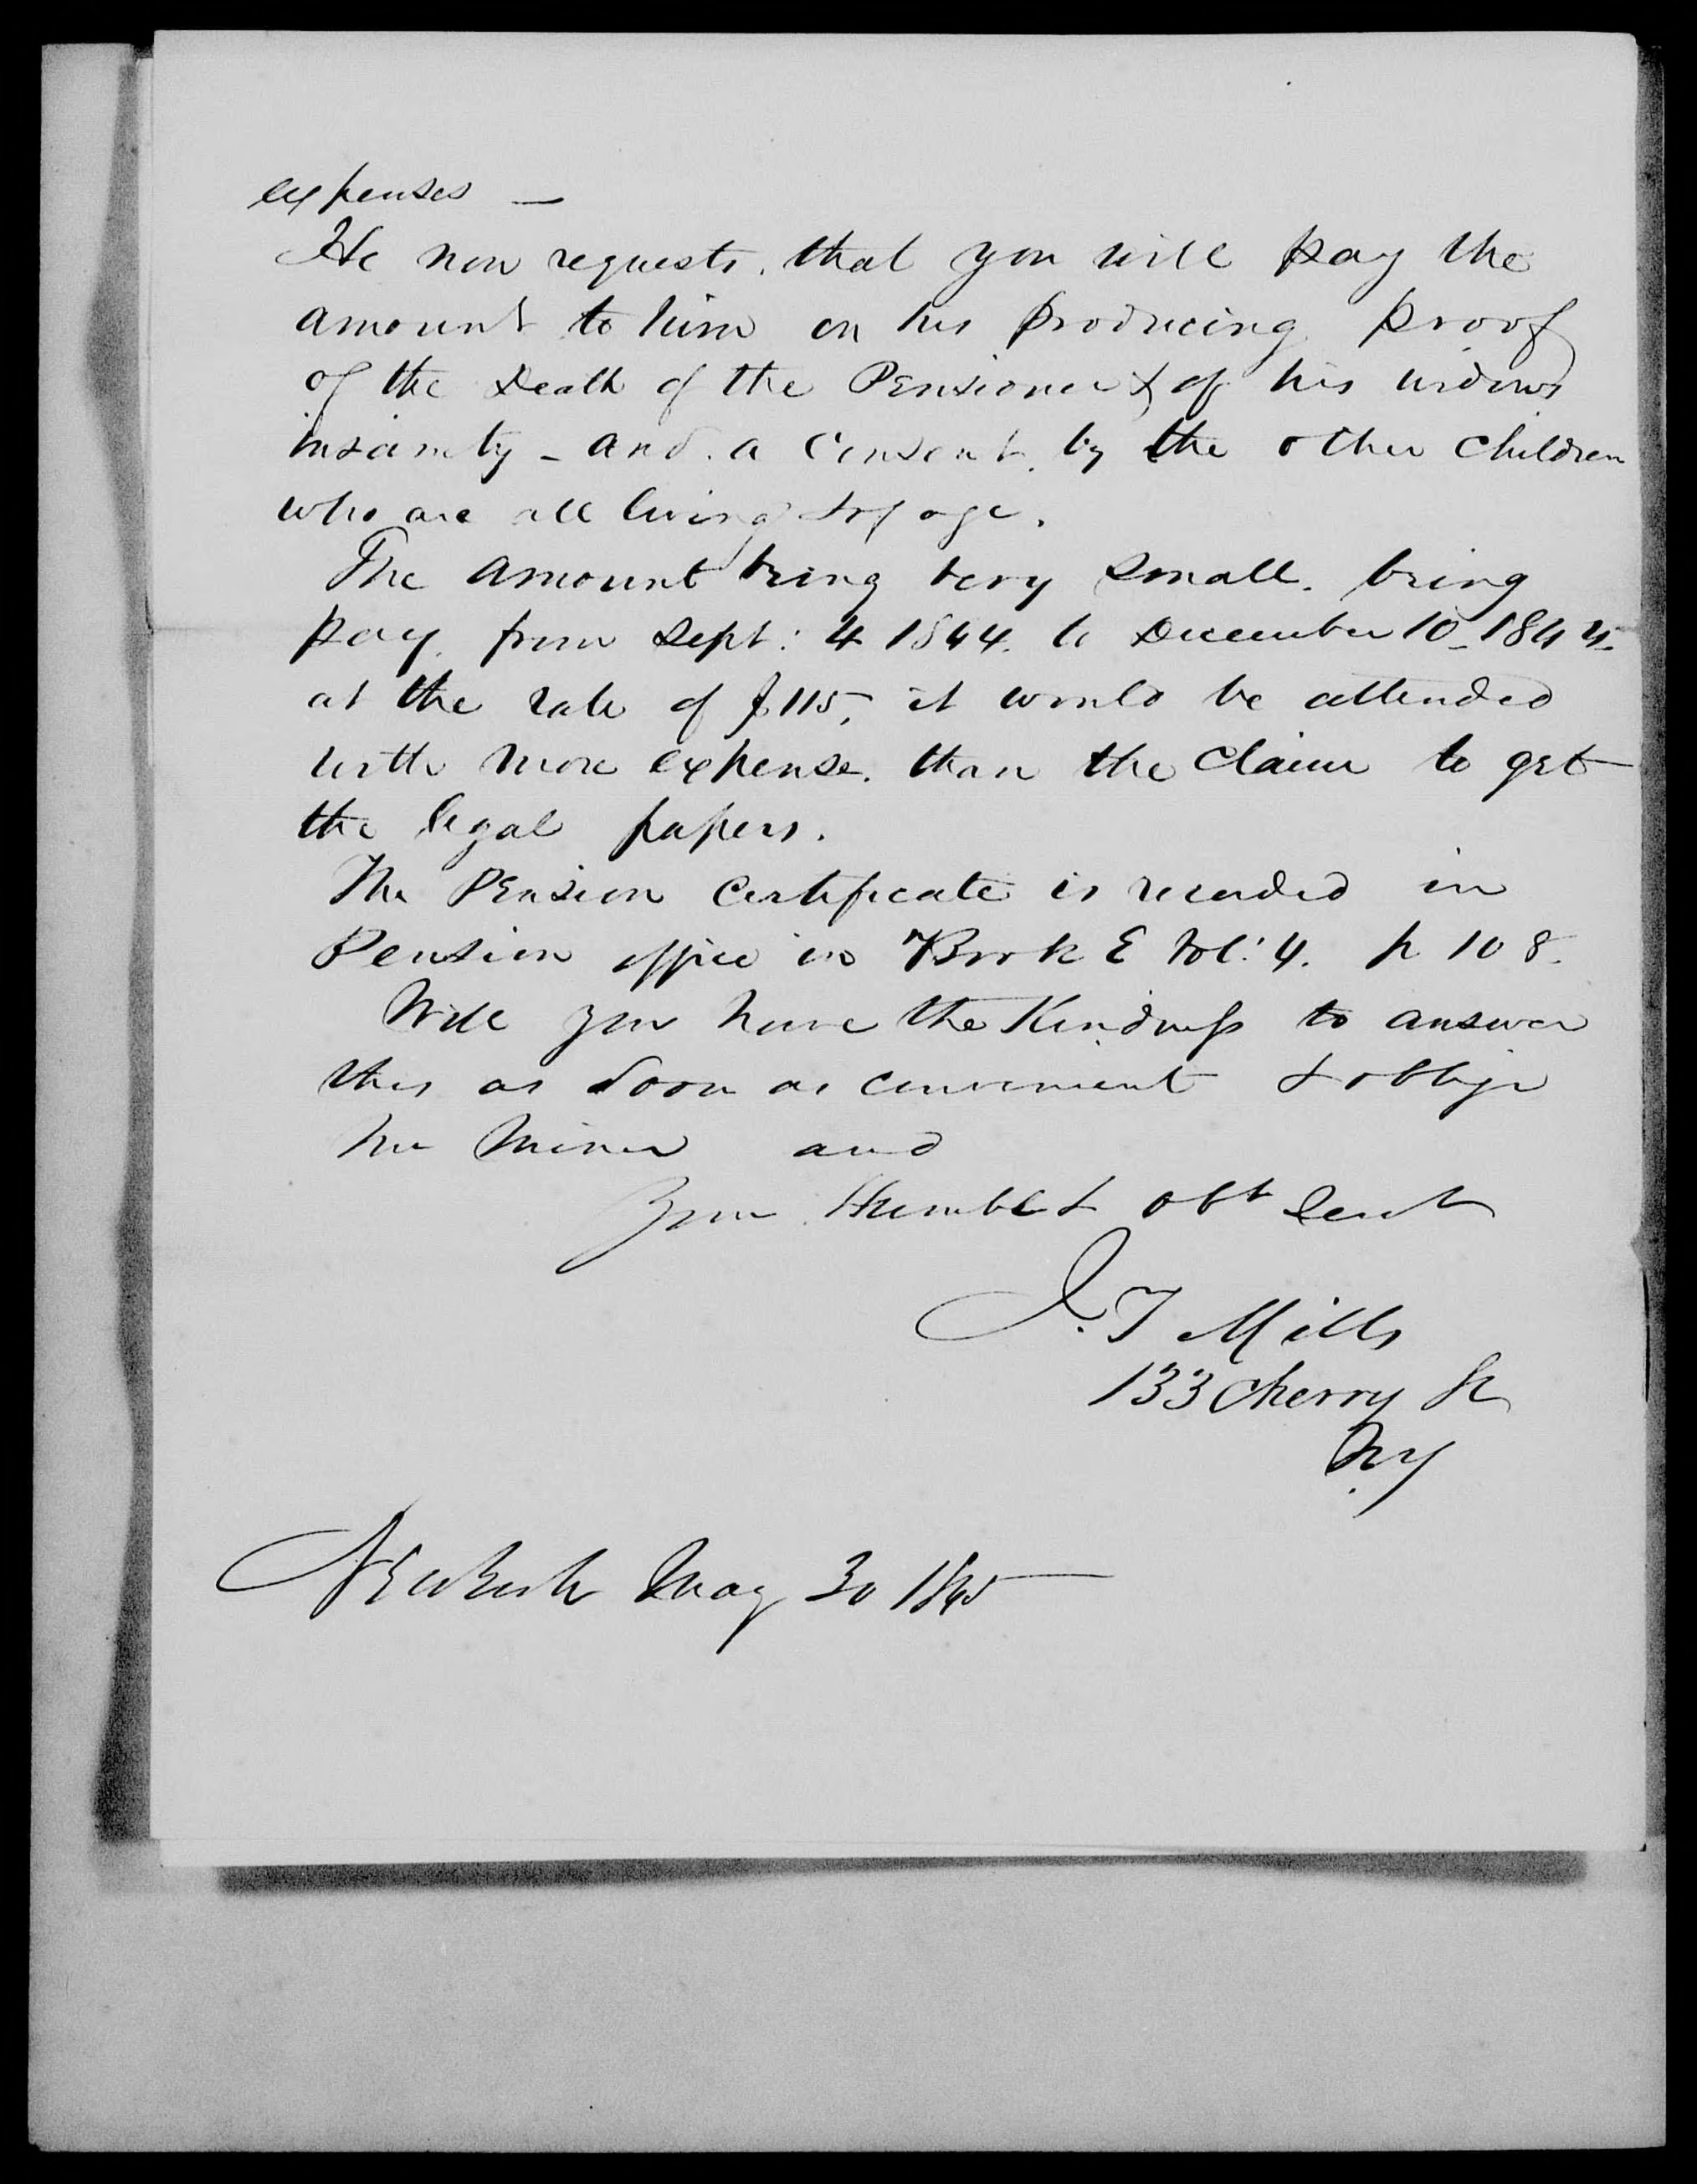expenses. 

He now requests that you will pay the amount to him on his producing proof of the Death of the Pensioner & of his widows insanity and a consent by the other children who are all living & of age. 

The amount being very small, being pay from Sept. 4 1844 to December 10, 1844, at the rate of $115, it would be attended with more expense than the claim to get the legal papers. 

The Pension certificate is recorded in Pension office in Book E Vol. 4. p. 108. Will you have the kindness to answer this as soon as convenient & oblige Mr Miner and 

Your Humble & Obt Servt
J. T. Mills
133 Cherry St
NY 

[illegible] May 30 1845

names: J T Mills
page: 25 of 39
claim: survivor's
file: S. 23802, for James Miner, Connecticut